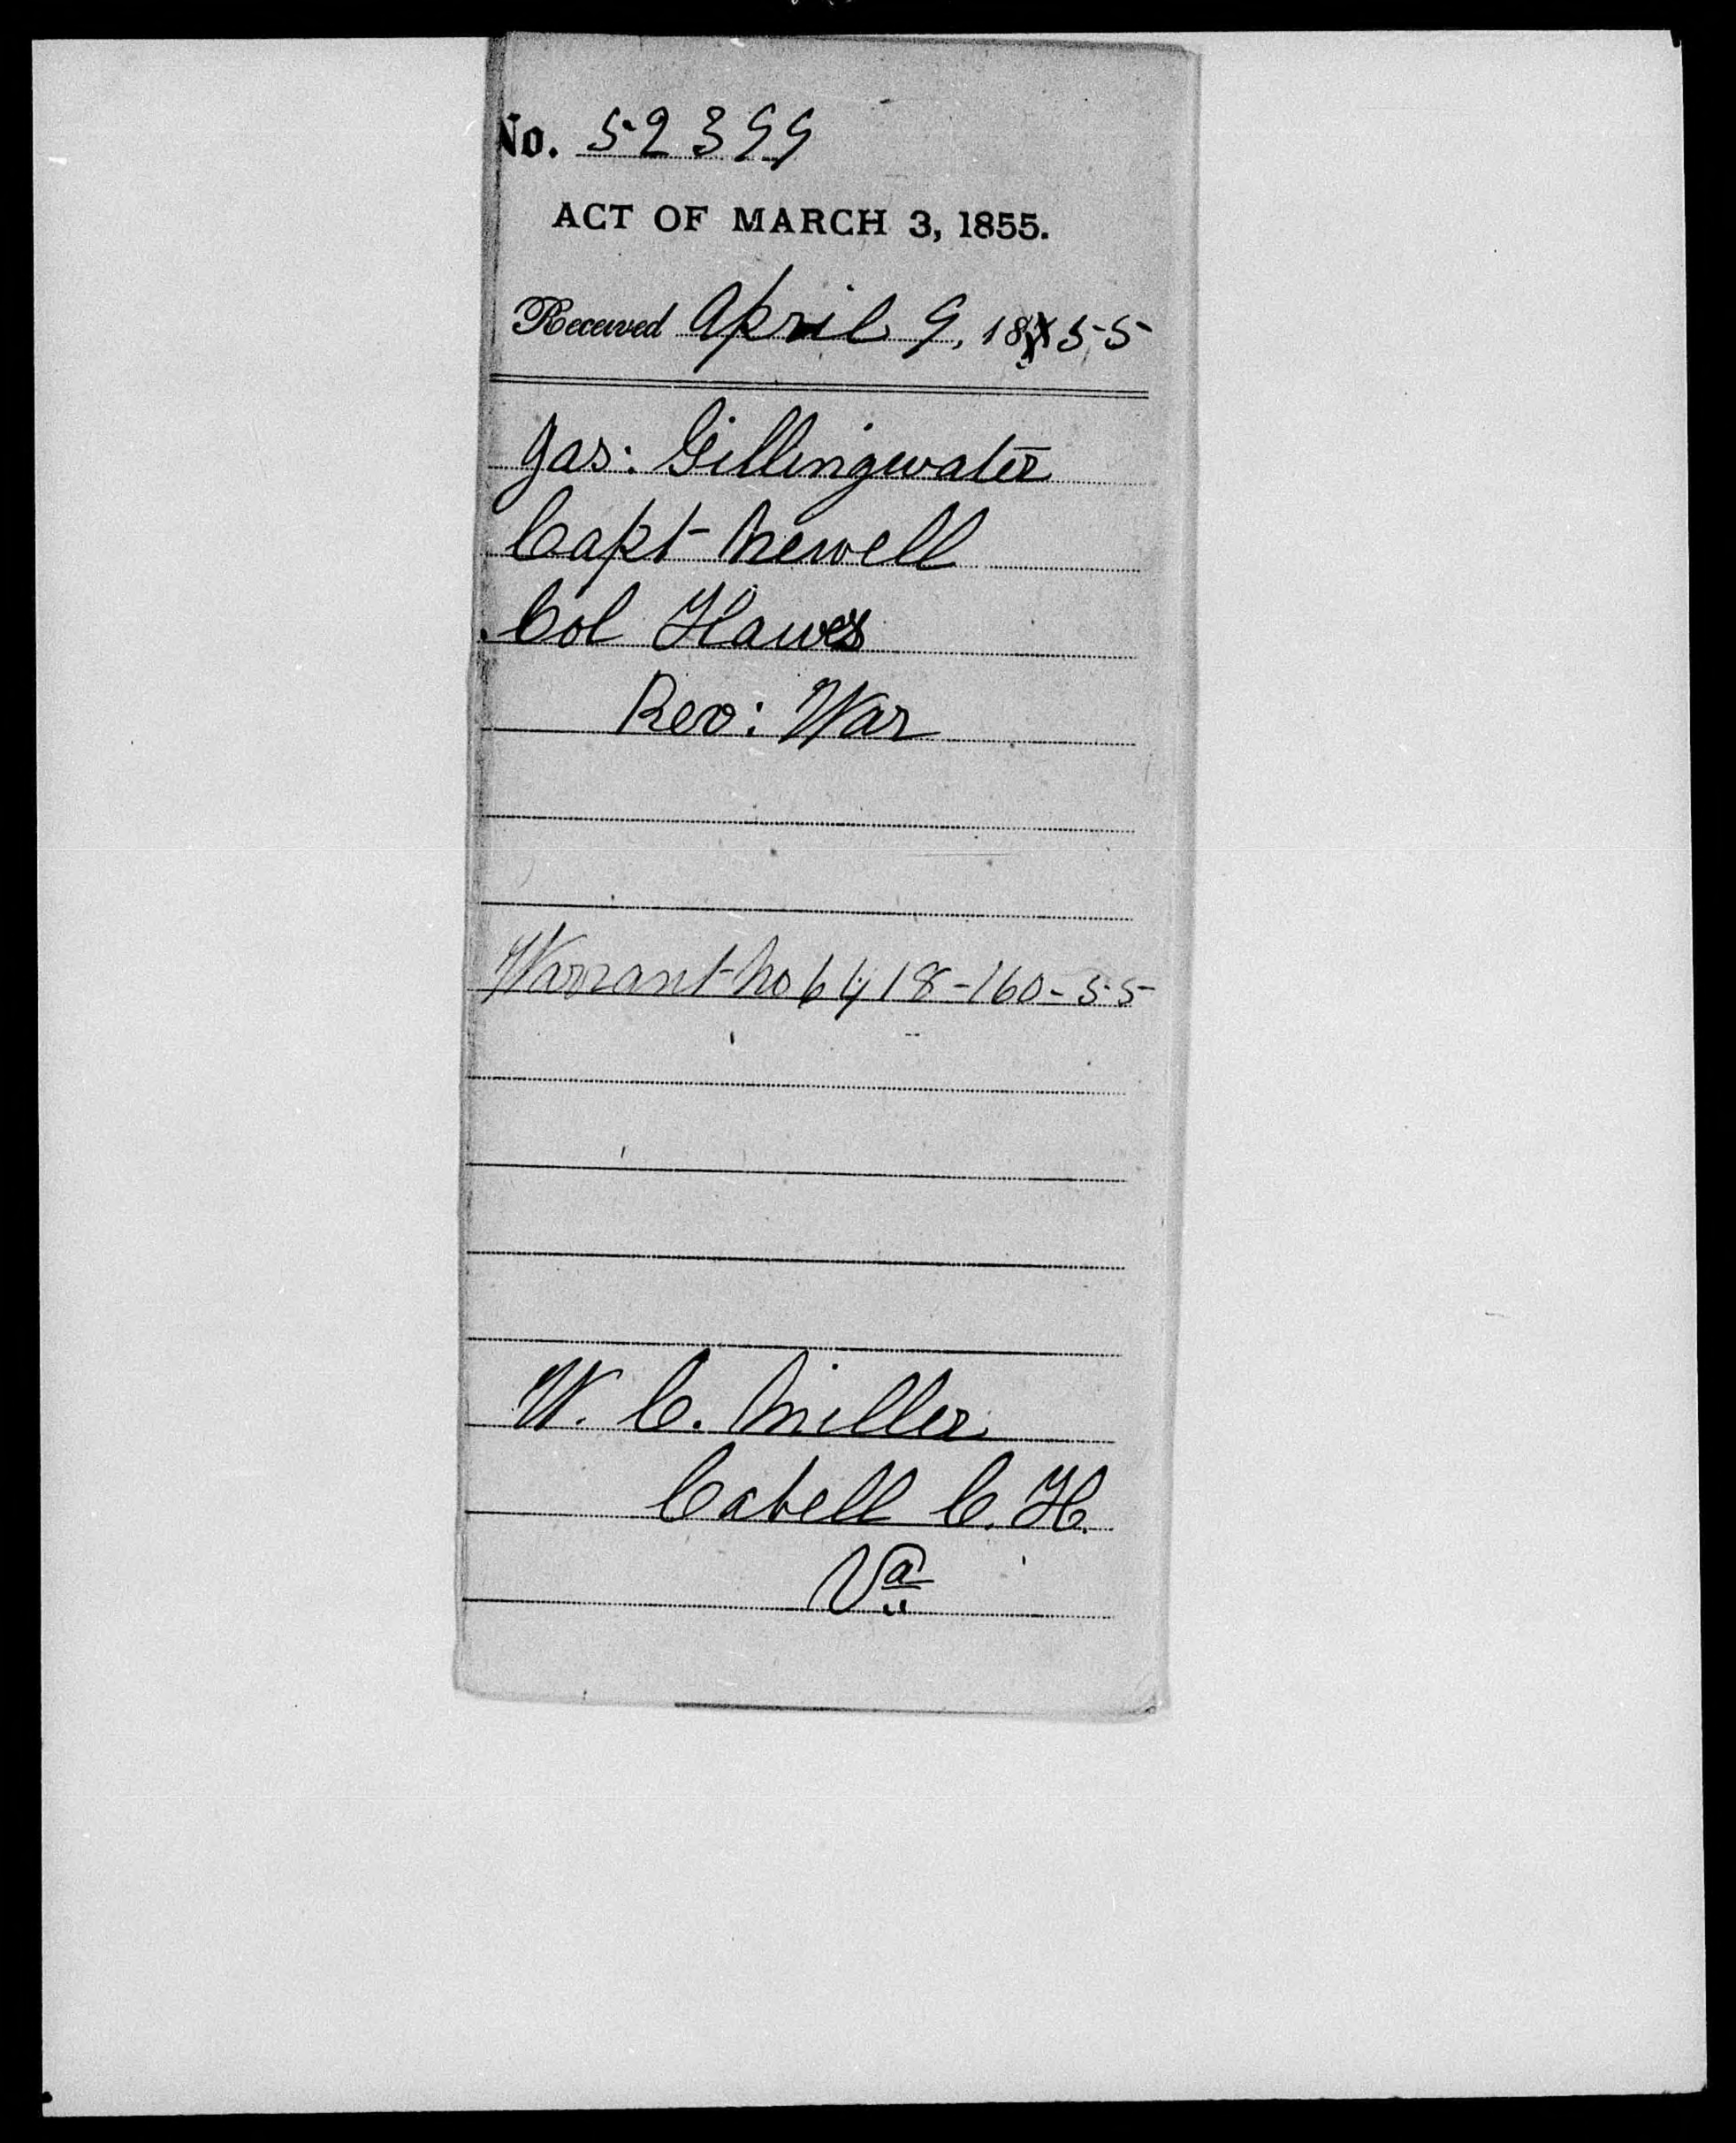No. S 2399

ACT OF MARCH 3, 1855.

Received April 9, 1855

Jas Gillingwater
Capt Newell
Col Hawes
Rev: War

Warrant No 6418-160-55

W. C. Miller
Cabell C. H.
Va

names: Hawes, Newell, Jas Gillingwater, W C Miller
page: 23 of 36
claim: survivor's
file: S. 39570, James Gillingwater, Va.